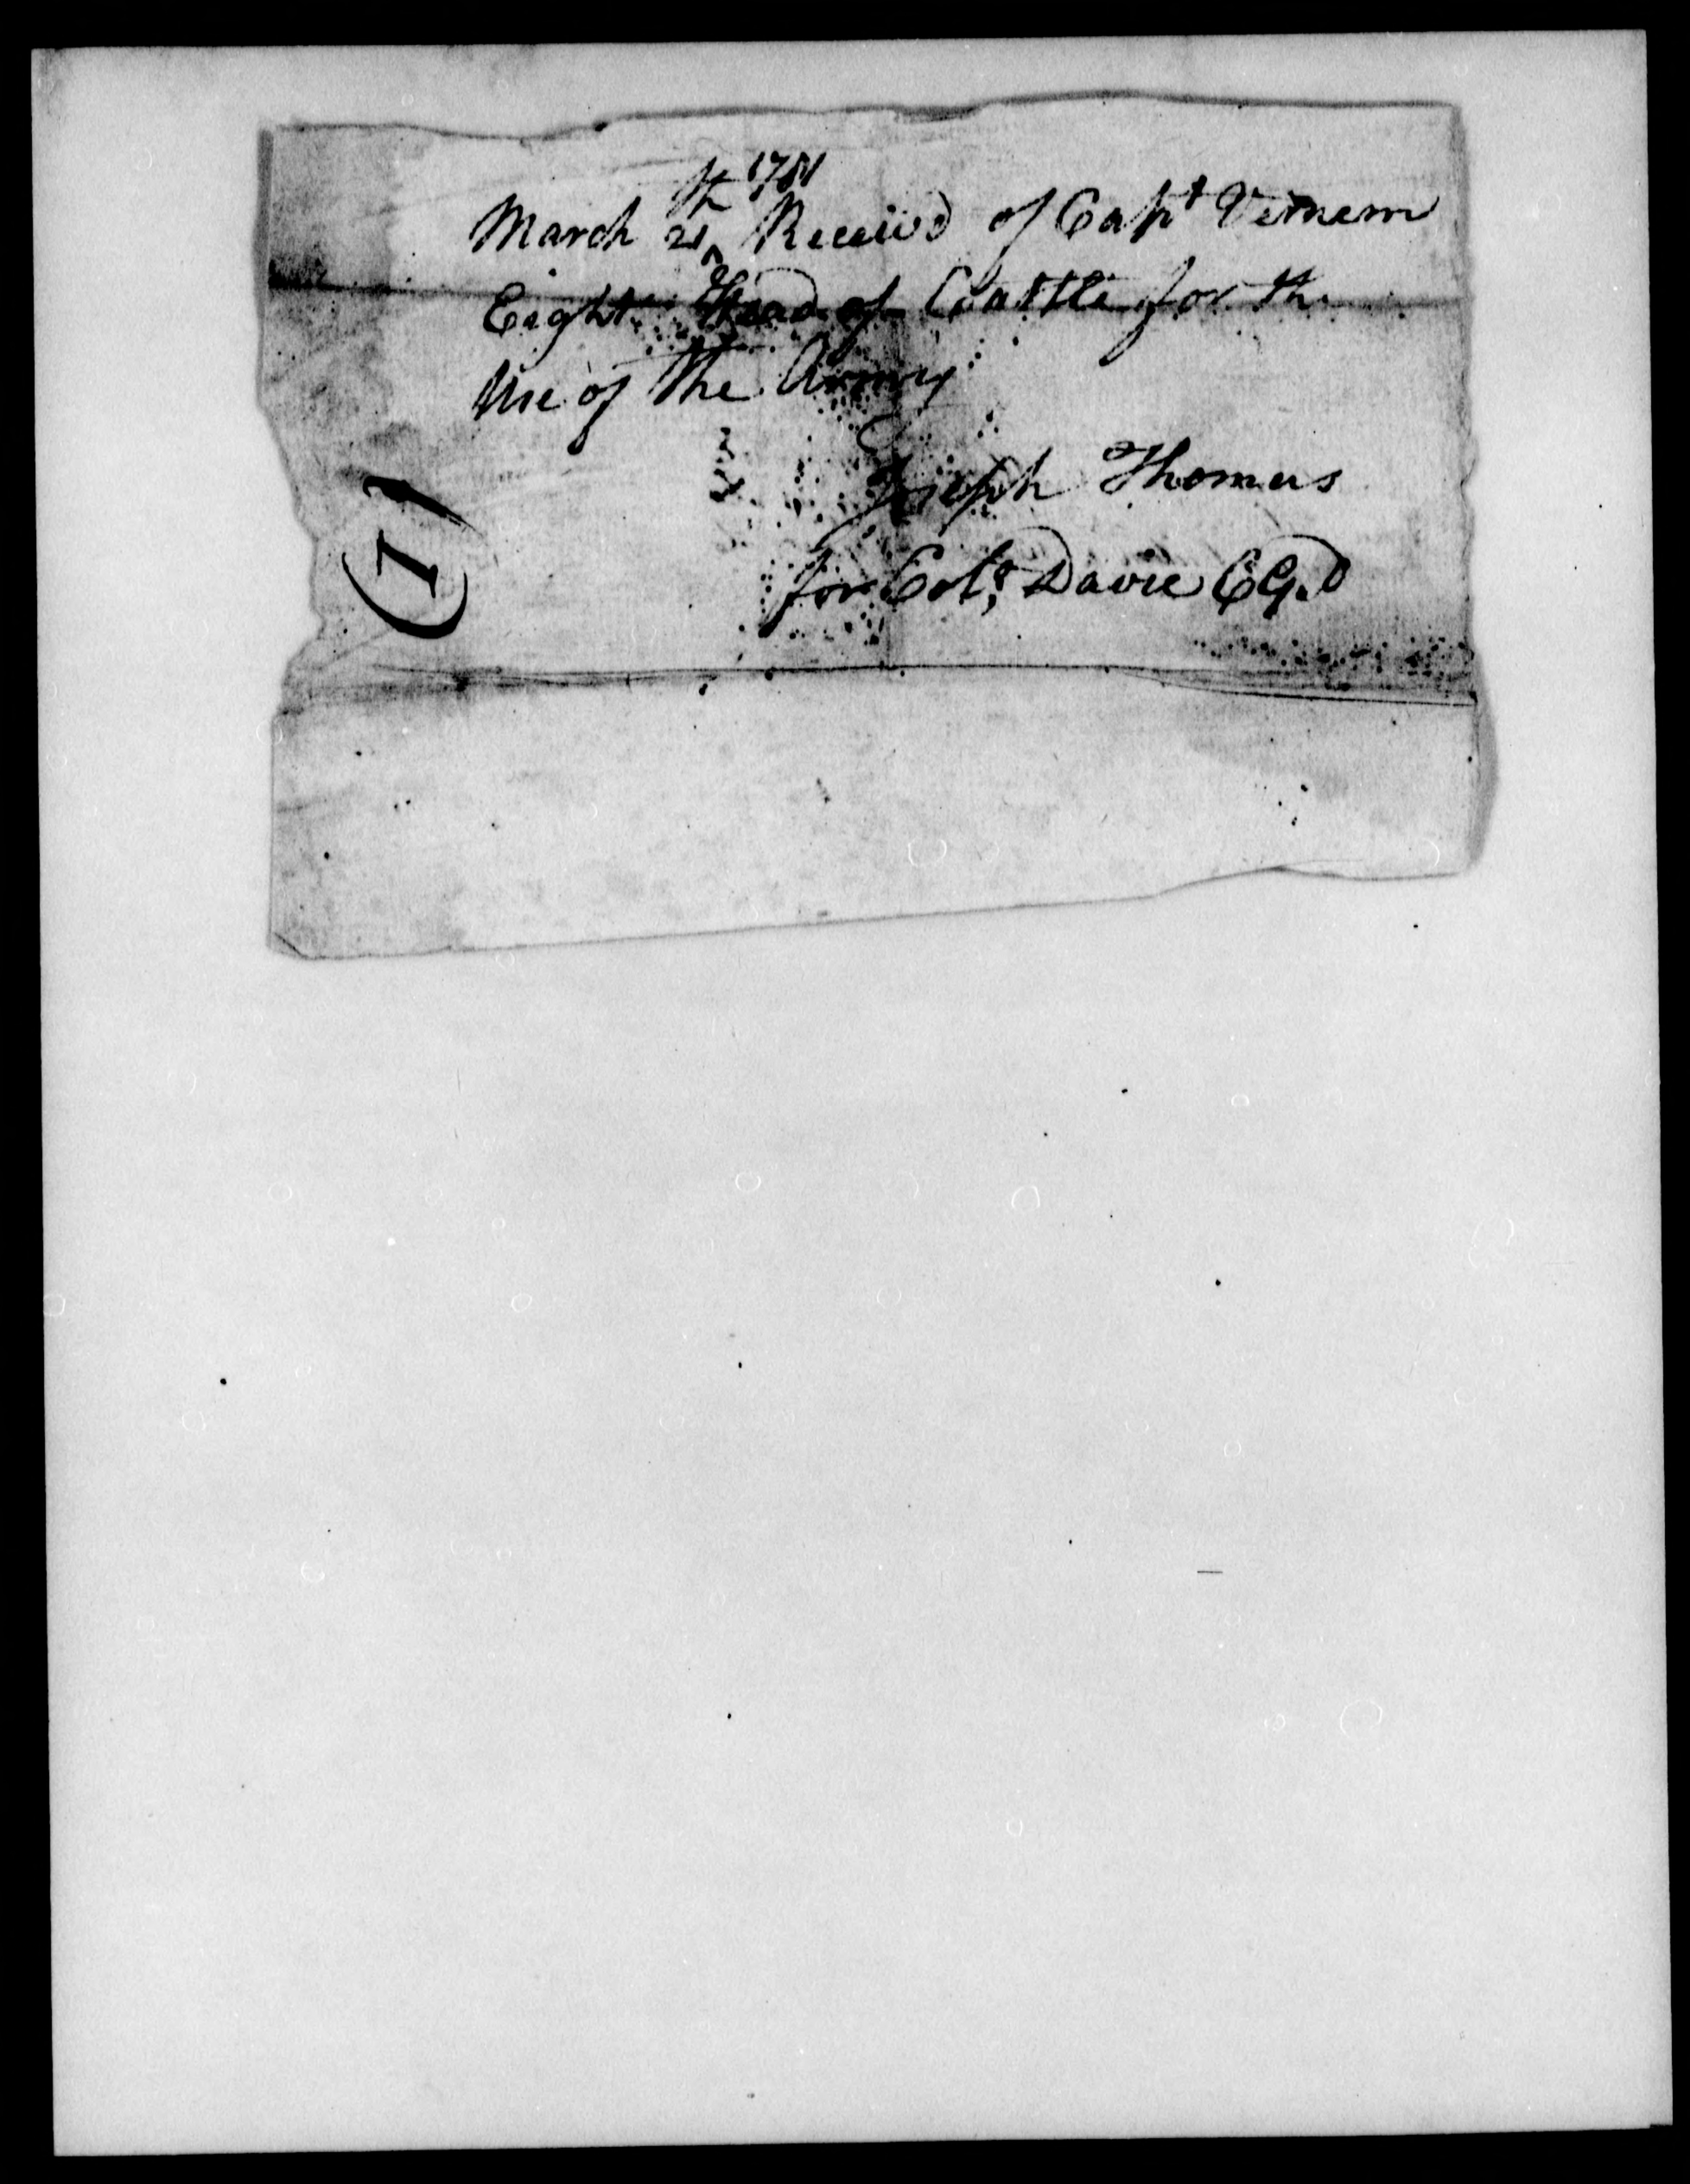March 21st 1781 Received of Capt. Vernon Eight Head of Cattle for the Use of the Army 
Joseph Thomas
for Col. Davie, CG.P 
(I)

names: Vernom, Davie, Joseph Thomas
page: 24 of 105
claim: survivor's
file: S. 1883, Richard Vernon, N.C.